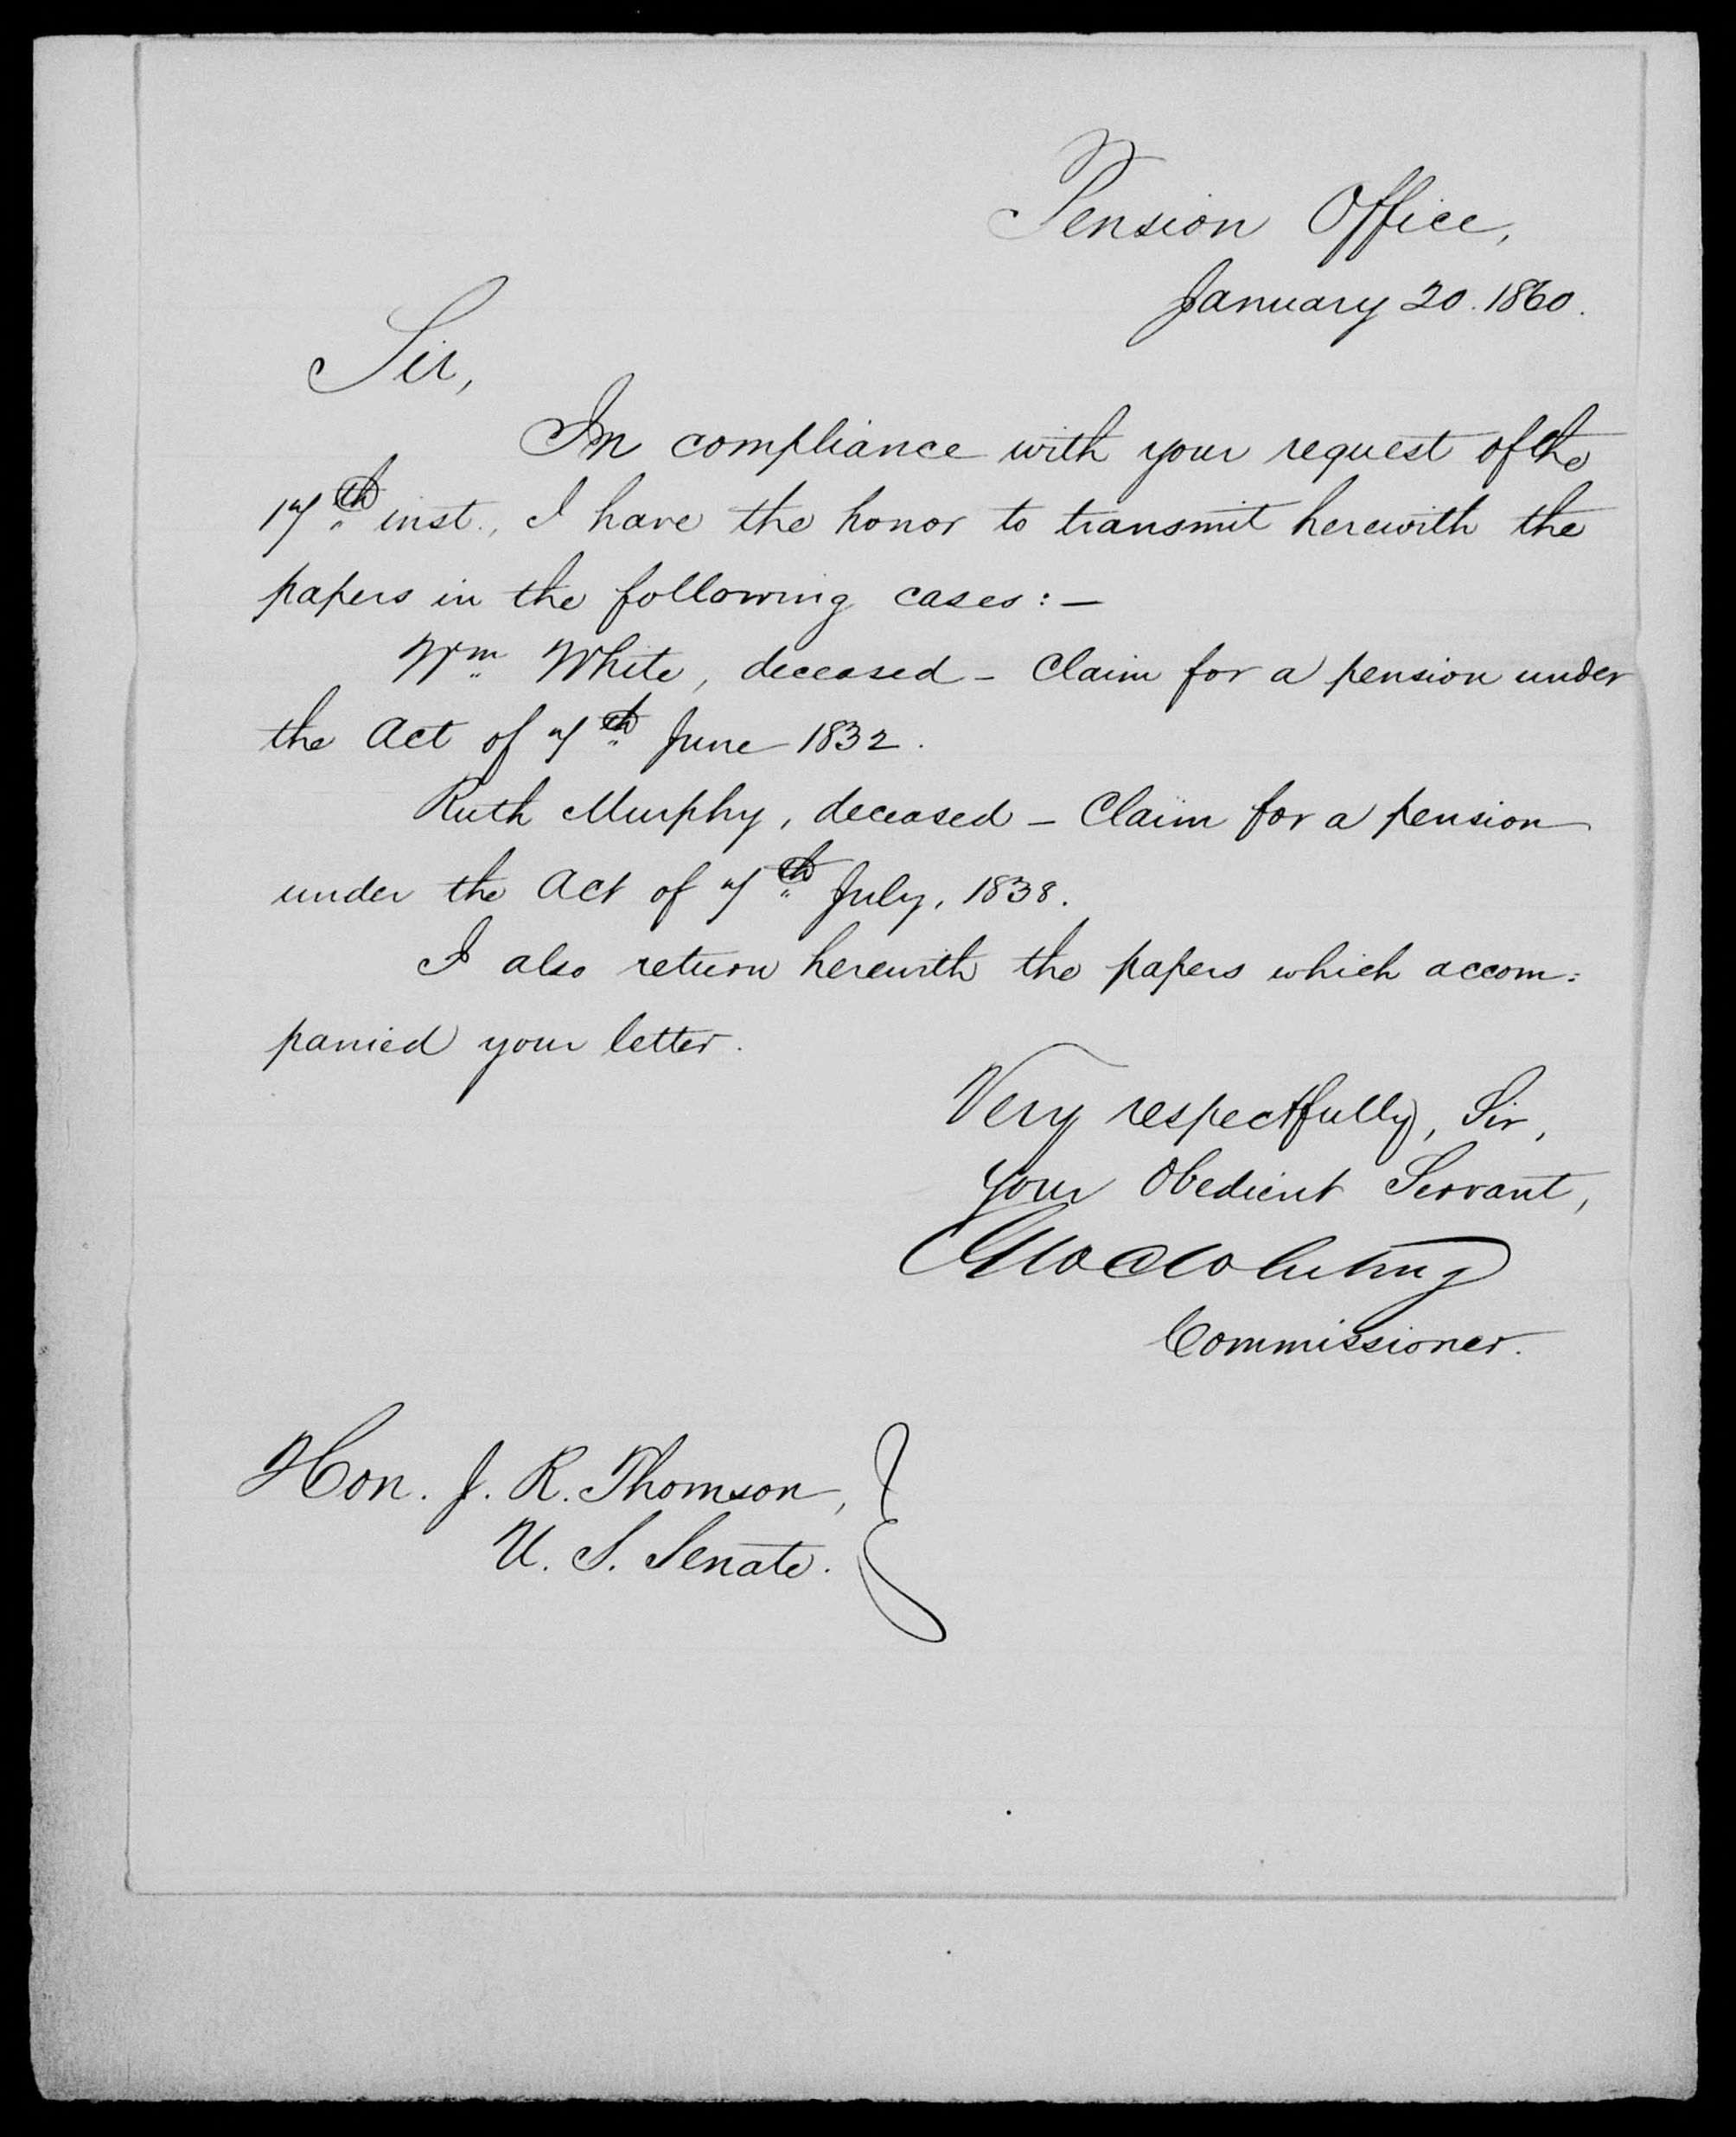Pension Office
January 20 1860

Sir,
In compliance with your request of the 14th inst, I have the honor to transmit herewith the papers in the following cases: -
Wm White, deceased - claim for a pension under the Act of 4th June - 1832
Ruth Murphy, deceased - Claim for a pension under the Act of 4th July, 1838
I also return herewith the papers which accompanied your letter.

Very respectfully, Sir
Your obedient servant,
Signature is not legible
Commissioner

Hon. J.R. Thomson
U.S. Senate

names: Geo C Whiting, J R Thomson, Wm White, Ruth Murphy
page: 30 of 108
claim: rejected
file: R. 7,515, John Hudgins, N.C.